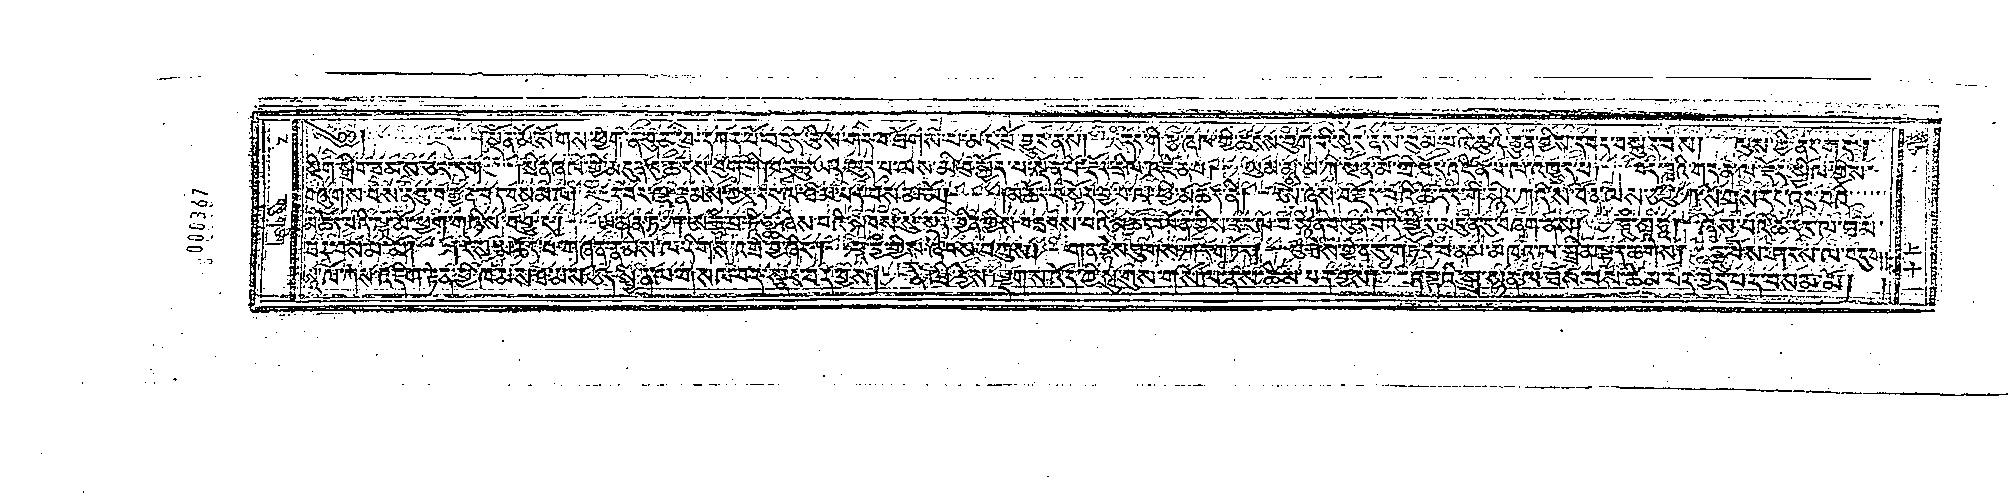༄༅། །སྔོན་མོ་སོགས་ཕྱག་ན་བུམ་པ་དཀར་པོ་བདུད་རྩིས་གང་བ་ཐོགས་པ་མང་པོ་བྱུང་ནས། རང་གི་རྩ་ཞལ་གྱི་ཚངས་བུག་གི་སྟེང་ནས་བུམ་པའི་ཆུའི་རྒྱུན་གྱིས་དབང་བསྐུར་བས། ལུས་ཀྱི་ནང་གང་།
སྡིག་སྒྲིབ་ཐམས་ཅད་དག །སྲིན་ཞལ་གྱི་མདུན་དུ་ཚངས་བུག་གི་ཁར་ཆུ་ཡར་ལུང་པ་ལས་མི་བསྐྱོད་པ་སྔོན་པོ་རྡོར་དྲིལ་འཛིན་པ། ཡུམ་མཱ་མ་ཀྱི་སྔོན་མོ་གྲི་ཐོང་འཛིན་པ་ལ་འཁྱུད་པ། པད་ཟླའི་གདན་ལ་རྡོར་སྐྱིལ་གྱིས་
བཞུགས་པས་དབུ་བརྒྱན་བར་བསམ་ལ། དབང་ལྷ་རྣམས་ཀྱང་རང་ལ་ཐིམ་པར་བསམ་མོ། །མཆོད་བསྟོད་བྱ་བ་ལ་ཕྱི་མཆོད་ནི། ཨོཾ་ཞེས་བརྗོད་པའི་ཚེ་རང་གི་སྙིང་ཀའི་ས་བོན་ལས་རྩ་རྩེ་ཀ་སོགས་དང་འདྲ་བའི་
མཆོད་པའི་ལྷ་མོ་ཕྱག་གཉིས་པ་བྱུང་། ཡ་མཱན་ཏ་ཀ་ཨརྒྷཾ་པྲ་ཏཱིཙྪ་ཞེས་པའི་སྐབས་སུ་སྔར་བྱིན་གྱིས་བརླབས་པའི་མཆོད་ཡོན་གྱིས་རང་ལ་བསྙེན་བཀུར་བའི་ཕྱིར་མདུན་དུ་བཞག་ནས། ཧཱུཾ་སྭཱཧཱ། ཞེས་པའི་ཚེ་རང་ལ་ཐམ་
པར་བསམ་མོ། །ངེས་མཆོད་པ་གཞན་རྣམས་ལ་རིགས་འགྲོ་བྱ་ཞིང་། པཱ་དྱཾ་གྱིས་ཞབས་བཀྲུས། གན་དྷེས་ཐུགས་ཀར་གཏོར། བུ་ཤྤེས་གྱེན་དུ་གཏོང་བ་ནམ་མཁའ་ལ་སྤྲིན་ལྟར་ཆགས། དྷཱ་པེས་ཤངས་ལ་བདུག།
སཱ་ལོ་ཀེས་འཇིག་རྟེན་ཕྱི་ཁམས་ཐམས་ཅད་སྤྱན་ལ་གསལ་བར་སྣང་བར་བྱས། ནཻ་ཝི་དྱེས་ལྗགས་འོད་ཀྱི་སྤུ་གུས་གསོལ་ནས་ཚིམ་པར་བྱས། ཤཔྟའི་སྒྲ་སྙན་ལ་ཐོས་པས་ཚིམ་པར་བྱེད་པར་བསམ་མོ། །